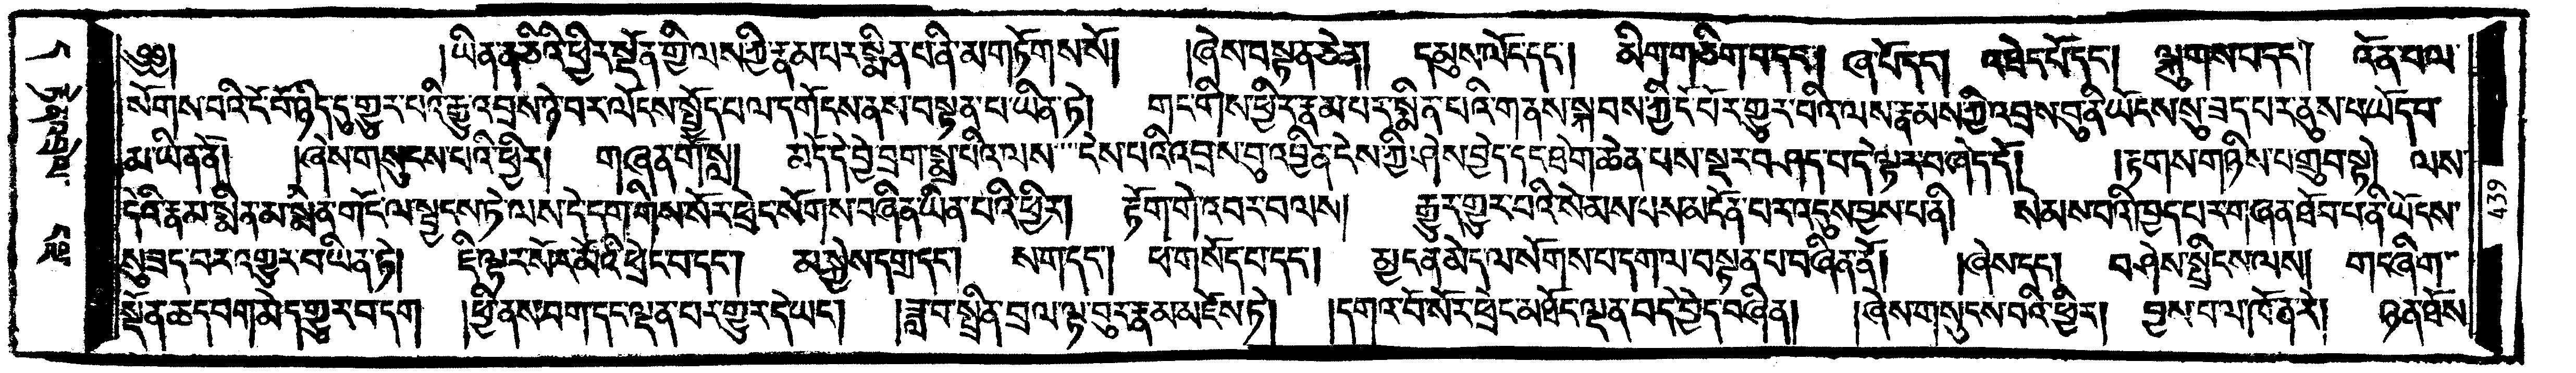༄༅། །ཡིན་ན་ཅིའི་ཕྱིར་སྔོན་གྱི་ལས་ཀྱི་རྣམ་པར་སྨིན་པ་ནི་མ་གཏོགས་སོ། །ཞེས་བསྟན་ཅེ་ན། དམུས་ལོང་དང་། མིག་གཅིག་པ་དང་། ཞ་པོ་དང་། འཐེང་པོ་དང་། ལྐུགས་པ་དང་། འོན་པ་ལ་
སོགས་པའི་ངོ་བོ་ཉིད་དུ་གྱུར་པའི་རྒྱུ་འབྲས་ཉེ་བར་ལོངས་སྤྱོད་པ་ལ་དགོངས་ནས་བསྟན་པ་ཡིན་ཏེ། གང་གིས་ཕྱིར་རྣམ་པར་སྨིན་པའི་གནས་སྐབས་ཀྱི་ངོ་བོར་གྱུར་པའི་ལས་རྣམས་ཀྱི་འབྲས་བུ་ནི་ཡོངས་སུ་ཟད་པར་ནུས་པ་ཡོད་པ་
མ་ཡིན་ནོ། །ཞེས་གསུངས་པའི་ཕྱིར། གཞན་གོ་སླ། མདོ་དེ་བྱེ་བྲག་སྨྲ་པའི་ལས་ངེས་པའི་འབྲས་བུ་འབྱིན་ངེས་ཀྱི་ཤེས་བྱེད་དང་ཐེག་ཆེན་པས་སྔར་བཤད་པ་དེ་ལྟར་བཞེད་དོ། །རྟགས་གཉིས་པ་གྲུབ་སྟེ། ལས་
དེའི་རྣམ་སྨིན་མ་སྨིན་གོང་ལ་སྦྱངས་ཏེ་ལས་དེ་དག་གིས་སོར་ཕྲེང་སོགས་བཞིན་ཡིན་པའི་ཕྱིར། རྟོག་གེ་འབར་བ་ལས། རྒྱུར་གྱུར་པའི་སེམས་པས་མངོན་པར་འདུས་བྱས་པ་ནི། སེམས་པའི་ཁྱད་པར་གཞན་ཐོབ་པ་ནི་ཡོངས་
སུ་ཟད་པར་འགྱུར་བ་ཡིན་ཏེ། ཇི་ལྟར་སོར་མོའི་ཕྲེང་བ་དང་། མ་སྐྱེས་དགྲ་དང་། སག་དང་། ཕ་གསོད་པ་དང་། མྱ་ངན་མེད་ལ་སོགས་པ་དག་ལ་བསྟན་པ་བཞིན་ནོ། །ཞེས་དང་། བཤེས་སྤྲིངས་ལས། གང་ཞིག་
སྔོན་ཆད་བག་མེད་གྱུར་བ་དག །ཕྱི་ནས་བག་དང་ལྡན་པར་གྱུར་དེ་ཡང་། །ཟླ་བ་སྤྲིན་བྲལ་ལྟ་བུར་རྣམ་མཛེས་ཏེ། །དགའ་བོ་སོར་ཕྲེང་མཐོང་ལྡན་བདེ་བྱེད་བཞིན། །ཞེས་གསུངས་པའི་ཕྱིར། བྱས་པ་ལ་ཁོ་ན་རེ། ཉན་ཐོས་